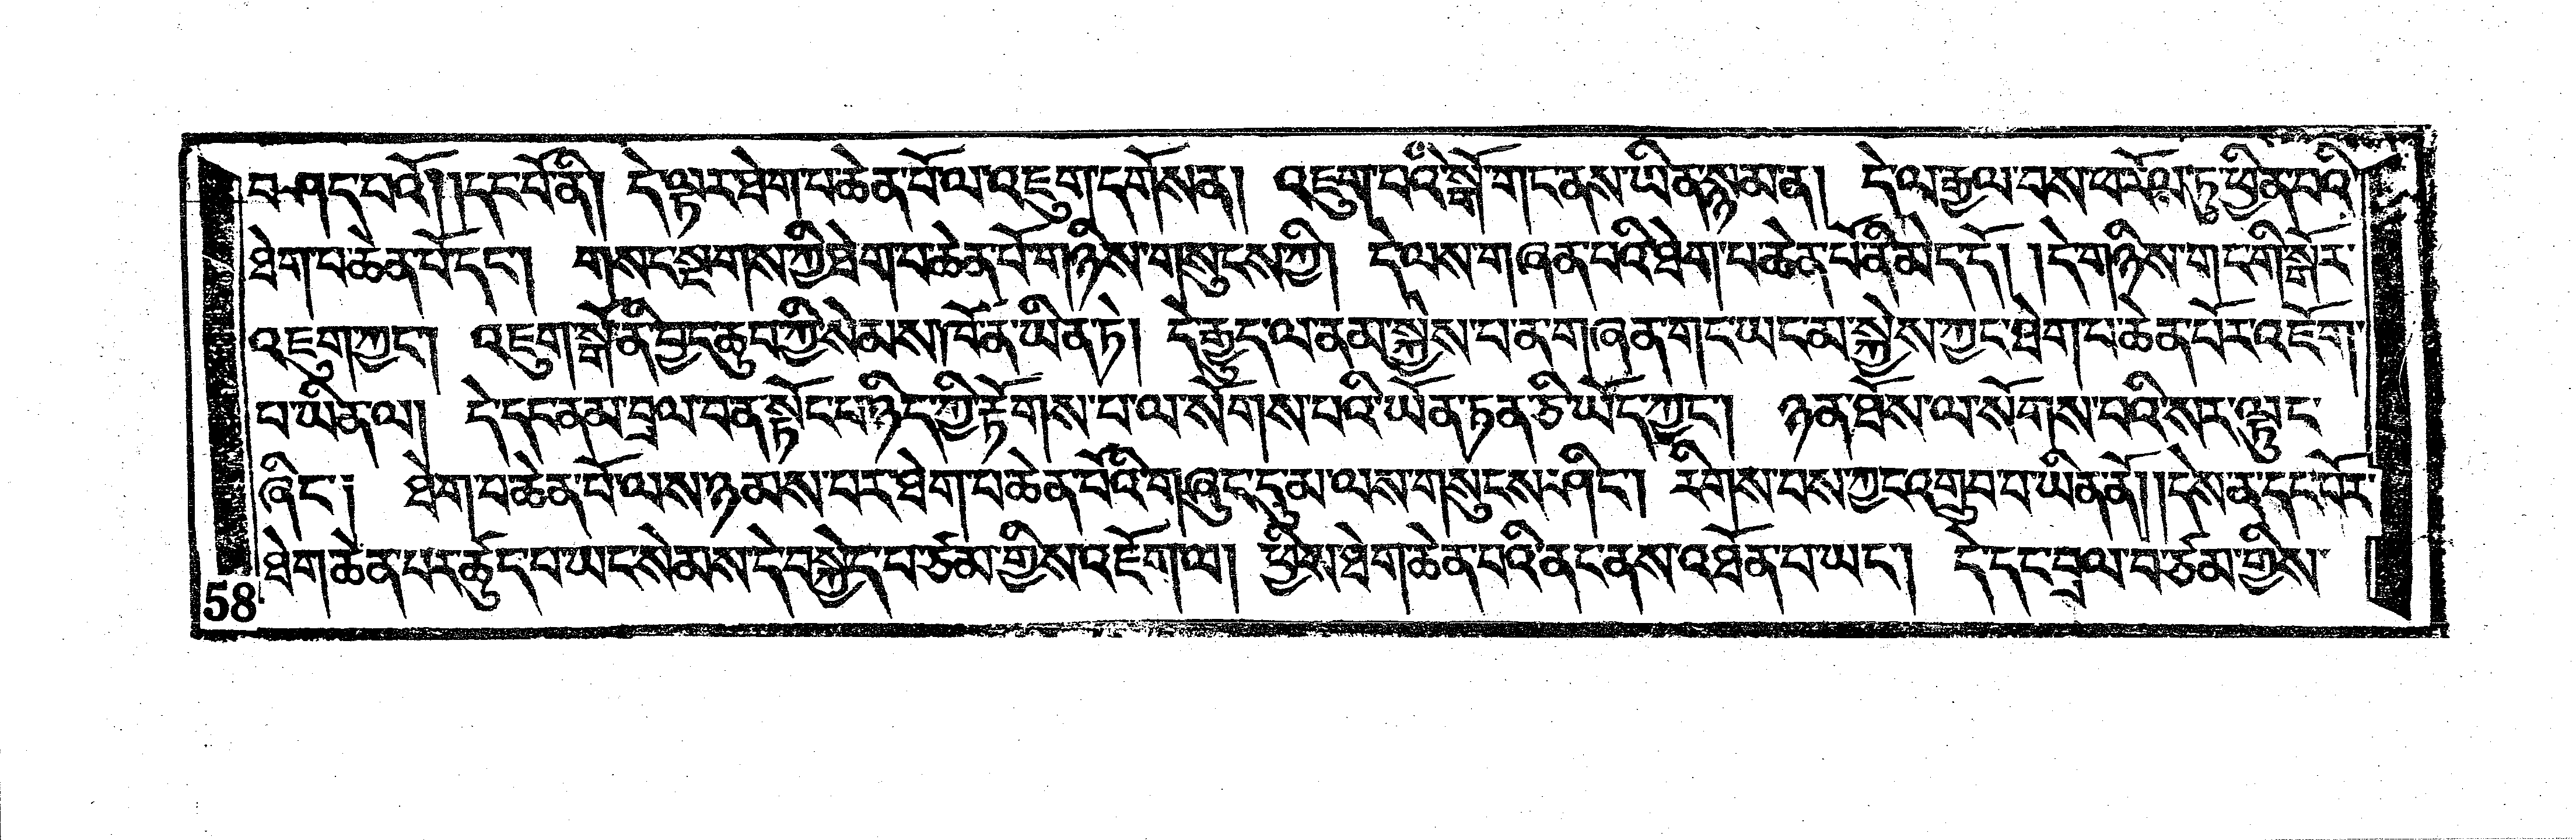བཤད་པའོ། །དང་པོ་ནི། དེ་ལྟར་ཐེག་པ་ཆེན་པོ་ལ་འཇུག་དགོས་ན། འཇུག་པའི་སྒོ་གང་ནས་ཡིན་སྙམ་ན། དེ་ལ་རྒྱལ་བས་ཕ་རོལ་ཏུ་ཕྱིན་པའི་
ཐེག་པ་ཆེན་པོ་དང་། གསང་སྔགས་ཀྱི་ཐེག་པ་ཆེན་པོ་གཉིས་གསུངས་ཀྱི། དེ་ལས་གཞན་པའི་ཐེག་པ་ཆེན་པོ་ནི་མེད་དོ། །དེ་གཉིས་གང་གི་སྒོར་
འཇུག་ཀྱང་། འཇུག་སྒོ་ནི་བྱང་ཆུབ་ཀྱི་སེམས་ཁོ་ན་ཡིན་ཏེ། དེ་རྒྱུད་ལ་ནམ་སྐྱེས་པ་ན་གཞན་གང་ཡང་མ་སྐྱེས་ཀྱང་ཐེག་པ་ཆེན་པོར་འཇོག་
པ་ཡིན་ལ། དེ་དང་ནམ་བྲལ་བ་ན་སྟོང་པ་ཉིད་ཀྱི་རྟོགས་པ་ལ་སོགས་པའི་ཡོན་ཏན་ཅི་ཡོད་ཀྱང་། ཉན་ཐོས་ལ་སོགས་པའི་སར་ལྟུང་
ཞིང་། ཐེག་པ་ཆེན་པོ་ལས་ཉམས་པར་ཐེག་པ་ཆེན་པོའི་གཞུང་དུ་མ་ལས་གསུངས་ཤིང་། རིགས་པས་ཀྱང་འགྲུབ་པ་ཡིན་ནོ། །དེས་ན་དང་པོར་
ཐེག་ཆེན་པར་ཚུད་པ་ཡང་སེམས་དེ་བསྐྱེད་པ་ཙམ་གྱིས་འཇོག་ལ། ཕྱིས་ཐེག་ཆེན་པའི་ནང་ནས་འཐོན་པ་ཡང་། དེ་དང་བྲལ་བ་ཙམ་གྱིས་